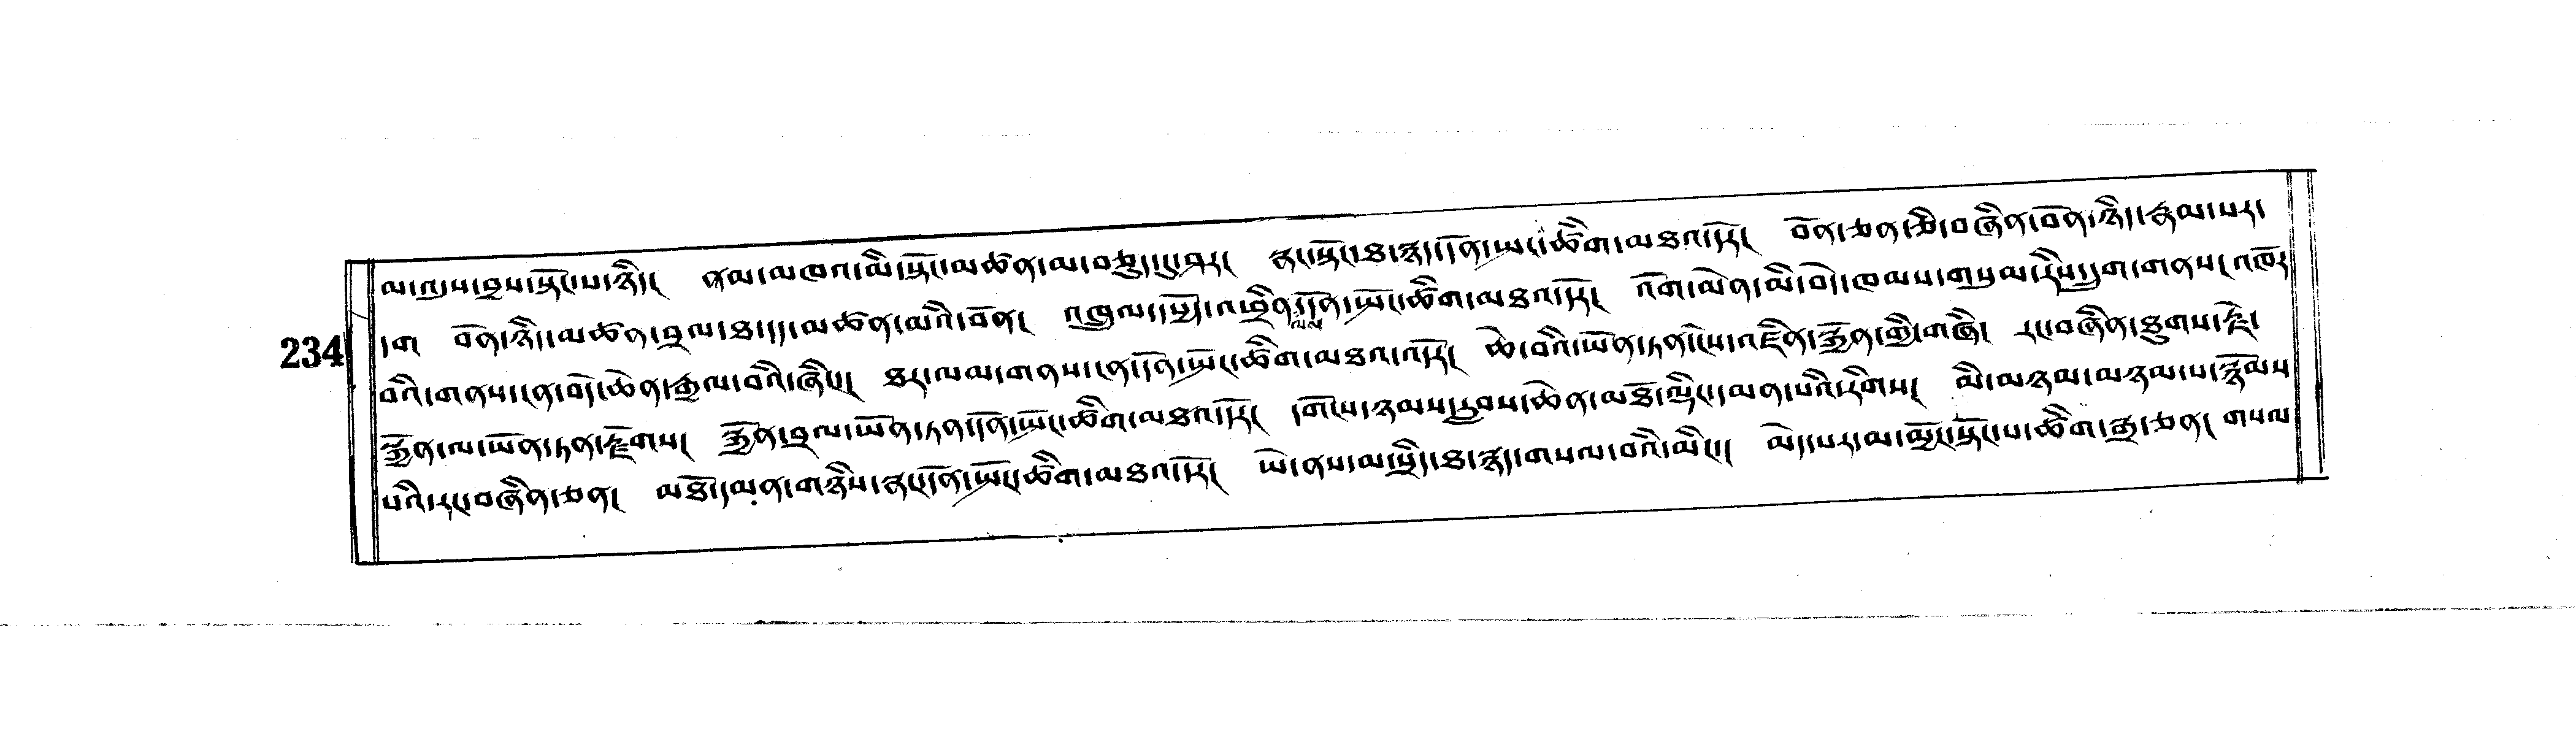མ་འདུས་བྱས་སྟོང་པ་ཉིད། ནམ་མཁའ་མི་སྟོང་མཚན་མ་བཅུད་དུ་ཤར། སྣང་སྟོང་ཐ་དད་དོན་སྤོང་ཚིག་མཐའ་དོར། བོན་ཅན་ཅི་བཞིན་བོན་ཉིད་རྣམ་པར་
དག བོན་ཉིད་མཚན་བྲལ་ཐ་དད་མཚན་མའི་བོན། འཁྲུལ་དཔྱོད་འཕྲིན་ལས་དོན་སྤོང་ཚིག་མཐའ་དོར། འོག་མེན་མི་བདེ་ཁམས་གསུམ་རིགས་དྲུག་གནས། འཁོར་
བའི་གནས་ངན་བདེ་ཆེན་རྒྱལ་བའི་ཞིང་། ཐར་ལམ་གནས་ངན་དོན་སྤོང་ཚིག་མཐའ་འདོར། ཆེ་བའི་ཡོན་ཏན་ངོས་འཛིན་སྐྱོན་གྱི་གཞི། རང་བཞིན་ཐུགས་རྗེ་
སྐྱོན་ལ་ཡོན་ཏན་རྫོགས། སྐྱོན་བྲལ་ཡོན་ཏན་དོན་སྤོང་ཚིག་མཐའ་དོར། དགོངས་ཉམས་རླབས་ཆེན་མཐོ་ལྡིང་དམན་པའི་རིགས། མི་མཉམ་མཉམ་པ་སྙོམས་
པའི་རང་བཞིན་ཅན། མཐོ་དམན་གཉིས་སྣང་དོན་སྤོང་ཚིག་མཐའ་དོར། ཡེ་ནས་མ་སྲིད་ཐ་སྙད་གསལ་བའི་མིང་། མེད་པར་མ་མྱོང་སྟོང་པ་ཚིག་སྒྲ་ཅན། གསལ་